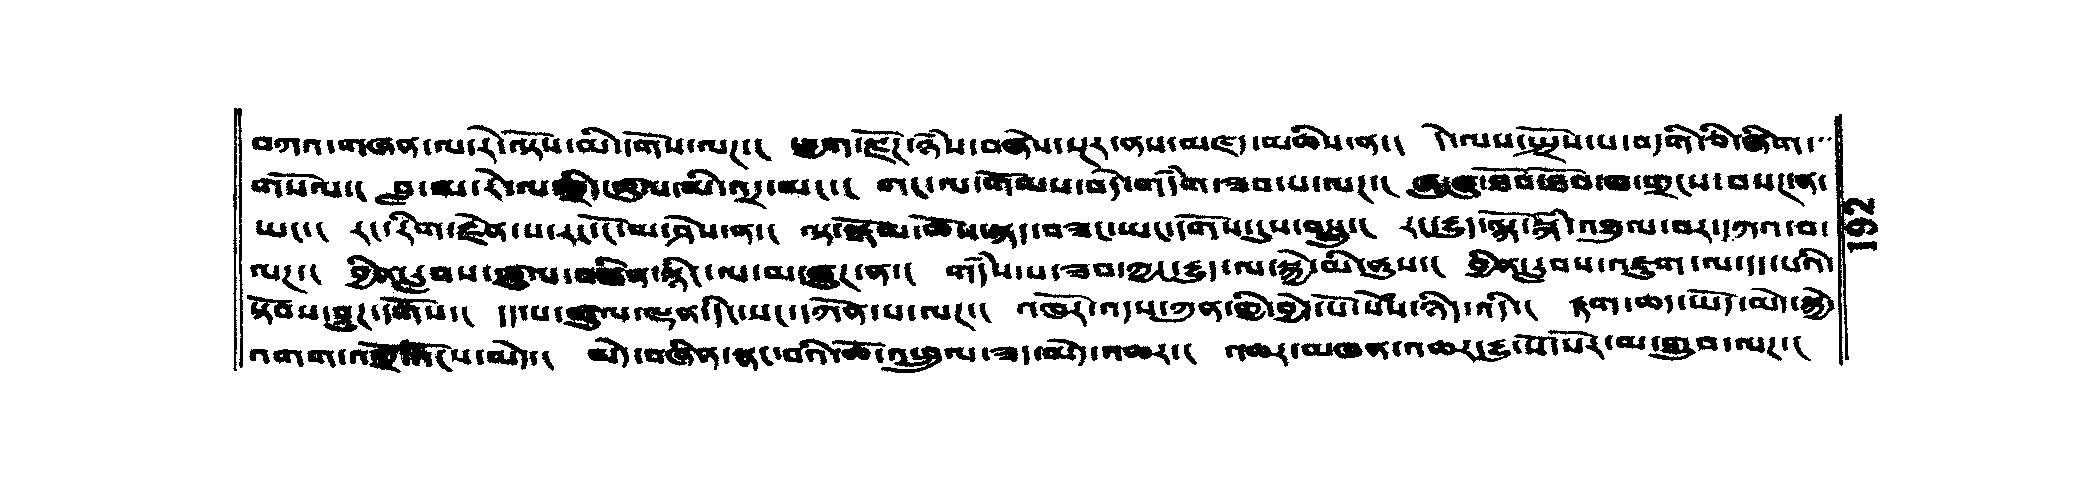བཀའ་གཞན་ལ་རེ་ལྟོས་མི་དགོས་ལགས། །ཕྱག་རྫོགས་ཉམས་བཞེས་སྔར་ནས་མཛད་མཆིས་ན། །དེ་ལས་སྤྲོས་པ་བདག་གི་ཅི་ཞིག་
གསོལ། །བླ་མ་རེ་ལ་ཁྲིད་ཚུལ་མི་འདྲ་མང་། །གང་ལ་གོམས་བདེ་གདམས་ངག་ཟབ་པ་ལགས། །ཞུ་ཞུ་ཐོབ་ཐོབ་ཁ་གྲངས་བསགས་ན་
ཡང་། །རང་རིག་རྗེན་པ་རང་ངོ་མ་ཤེས་ན། །ལྟ་སྒོམ་ཆོས་སྐད་བཟང་ཡང་དགོས་དུས་བསླུ། །རང་རྒྱུད་ལྐོ་སྐམ་འཐུལ་བར་དཀའ་བ་
ལགས། །བྱིན་རླབས་ཚུལ་བཞིན་སྙིང་ལ་མ་ཞུགས་ན། གདམས་པ་ཟབ་ཀྱང་རྒྱུད་ལ་སྐྱེ་མི་ནུས། བྱིན་རླབས་འཇུག་ལ་དད་པའི་
སྟོབས་ཤུགས་དགོས། །དད་པ་ཚུལ་ལྡན་དེང་སང་དཀོན་པ་ལགས། །འཁོར་འདས་ཀུན་གྱི་བྱེད་པོ་སེམས་ཉིད་འདི། །རྟག་ཆད་ཡོད་མེད་སྐྱེ་
འགག་འགྲོ་འོངས་མེད། །མེད་བཞིན་སྣང་བའི་ཆོ་འཕྲུལ་ཟད་མེད་འཆར། །འཆར་མཁན་འཆར་རྒྱུ་སོ་སོར་མ་གྲུབ་ལགས།